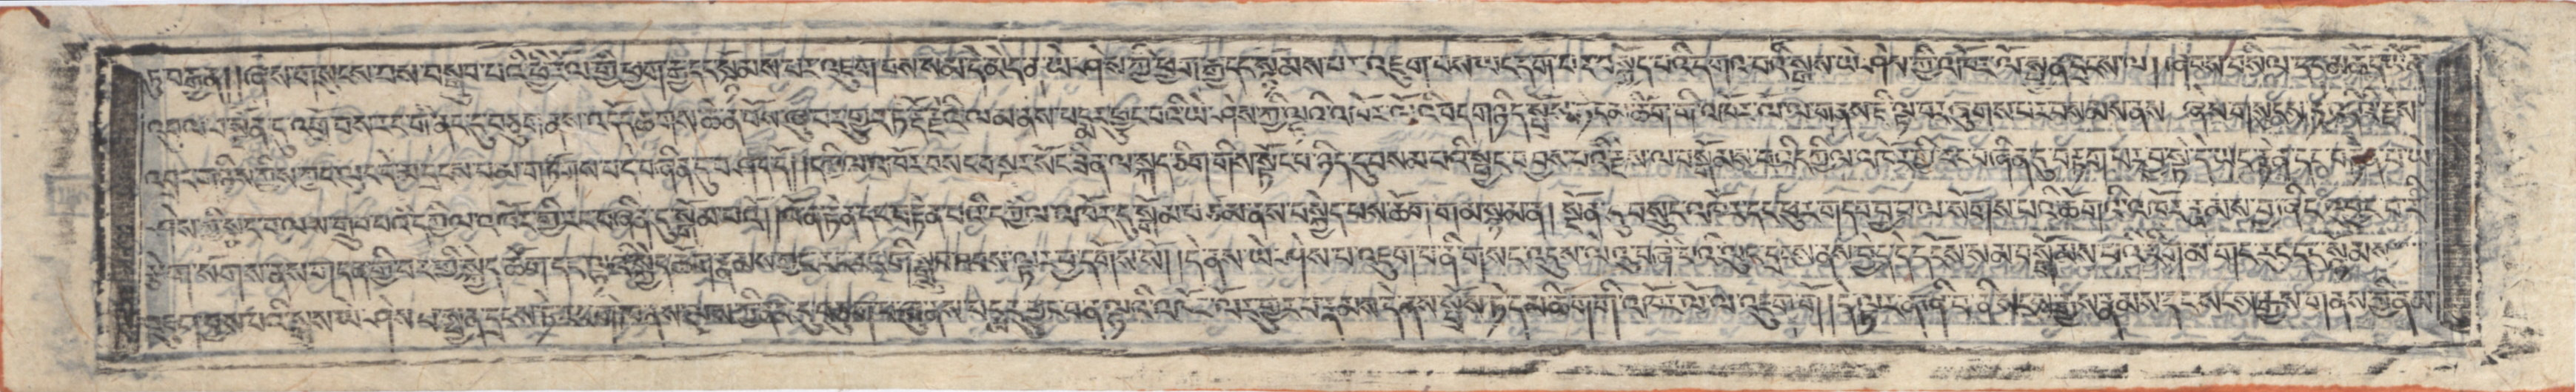ཏུ་བརྒྱན། །ཞེས་གསུངས་པས་བསྒྲུབ་པའི་ཕྱི་རོལ་གྱི་ཕྱག་རྒྱ་དང་སྙོམས་པར་འཇུག་པས་སམ་དེ་མེད་ན་ཡེ་ཤེས་ཀྱི་ཕྱག་རྒྱ་དང་སྙོམས་པར་འཇུག་པས་ཡང་དག་པར་བསྐྱོད་པའི་དགའ་བའི་སྒྲས་ཡེ་ཤེས་ཀྱི་འཁོར་ལོ་སྤྱན་དྲངས་ལ། ཞབས་བསིལ་དང་མཆོད་ཡོན་
འབུལ་བ་སྔོན་དུ་འགྲོ་བས་རང་གི་ནང་དུ་བཅུག་ནས་འདོད་ཆགས་ཆེན་པོས་ཞུ་བར་གྱུར་ཏེ་རྡོ་རྗེའི་ལམ་ནས་པདམར་ཕྱུང་བའི་ཡེ་ཤེས་ཀྱི་ལྷའི་འཁོར་ལོའི་བདག་ཉིད་སྤྲོས་ཏེ་དམ་ཚིག་གི་འཁོར་ལོ་ལ་གནས་ཇི་ལྟ་བར་ཞུགས་པར་བསམས་ནས། ཞེས་གསུངས་ཏེ་འདིའི་རྗེས་
འབྲང་གཉིས་ཀྱིས་ཀྱང་ལུང་དེ་མ་དྲངས་པ་མ་གཏོགས་པ་དེ་བཞིན་དུ་བཤད་དོ། །དཀྱིལ་འཁོར་བསང་བ་སྔར་སོང་ཟིན་ལ་སྐད་ཅིག་གིས་སྟོང་པ་ཉིད་དུ་བསམ་པའི་སྦྱང་བ་བྱས་པའི་རྗེས་ལ་བསྒོམས་པའི་དཀྱིལ་འཁོར་གྱི་རང་བཞིན་དུ་བརྟག་པར་བྱ་སྟེ་དེ་ཡང་རྟེན་དང་བརྟེན་པ་ཡེ་
ཤེས་ཀྱི་སྣང་བ་ལས་གྲུབ་པའི་དཀྱིལ་འཁོར་གྱི་རང་བཞིན་དུ་སྒོམ་པའོ། །འོ་ན་རྟེན་དང་བརྟན་པའི་དཀྱིལ་འཁོར་དུ་སྒོམ་པ་ཙམ་ནས་བསྐྱེད་པས་ཆོག་གམ་སྙམ་ན། སྔོན་དུ་བསྲུང་འཁོར་དང་ཕུར་གདབ་བྱ་བ་ལ་སོགས་པའི་ཆོ་གའི་འཁོར་རྣམས་བྱ་ཞིང་འབྱུང་བ་རིཾ་
རྩེག་སོགས་ནས་གདན་གྱི་བར་གྱི་སྐྱེད་ཆོག་དང་ལྷའི་སྐྱེད་ཆོག་རྣམས་ཀྱང་རང་རང་གི་སྒྲུབ་ཐབས་ལྟར་བྱ་དགོས་སོ། །དེ་ནས་ཡེ་ཤེས་པ་འཇུག་པ་ནི་གསང་འདུས་ལེའུ་བཞི་པའི་ལུང་དྲངས་ནས་བྱེད་དེ་དངོས་སམ་བསྒོམས་པའི་རིག་མ་གང་རུང་དང་སྙོམས་
འཇུག་བྱས་པའི་སྒྲས་ཡེ་ཤེས་པ་སྤྱན་དྲངས་ཏེ་རང་གི་ཁ་ནས་ལུས་ཀྱི་ནང་དུ་བཅུག་པ་ཞུ་ནས་པདམར་ཕྱུང་བ་ན་ལྷའི་འཁོར་ལོ་གྱུར་པ་རྣམས་དེ་ནས་སྤྲོས་ཏེ་དམ་ཚིག་གི་འཁོར་ལོ་ལ་འཇུག་གོ །དེ་ལྟར་ན་ཞི་བ་ནི་སངས་རྒྱས་རྣམས་དང་སངས་རྒྱས་གནས་ཀྱི་ནམ་